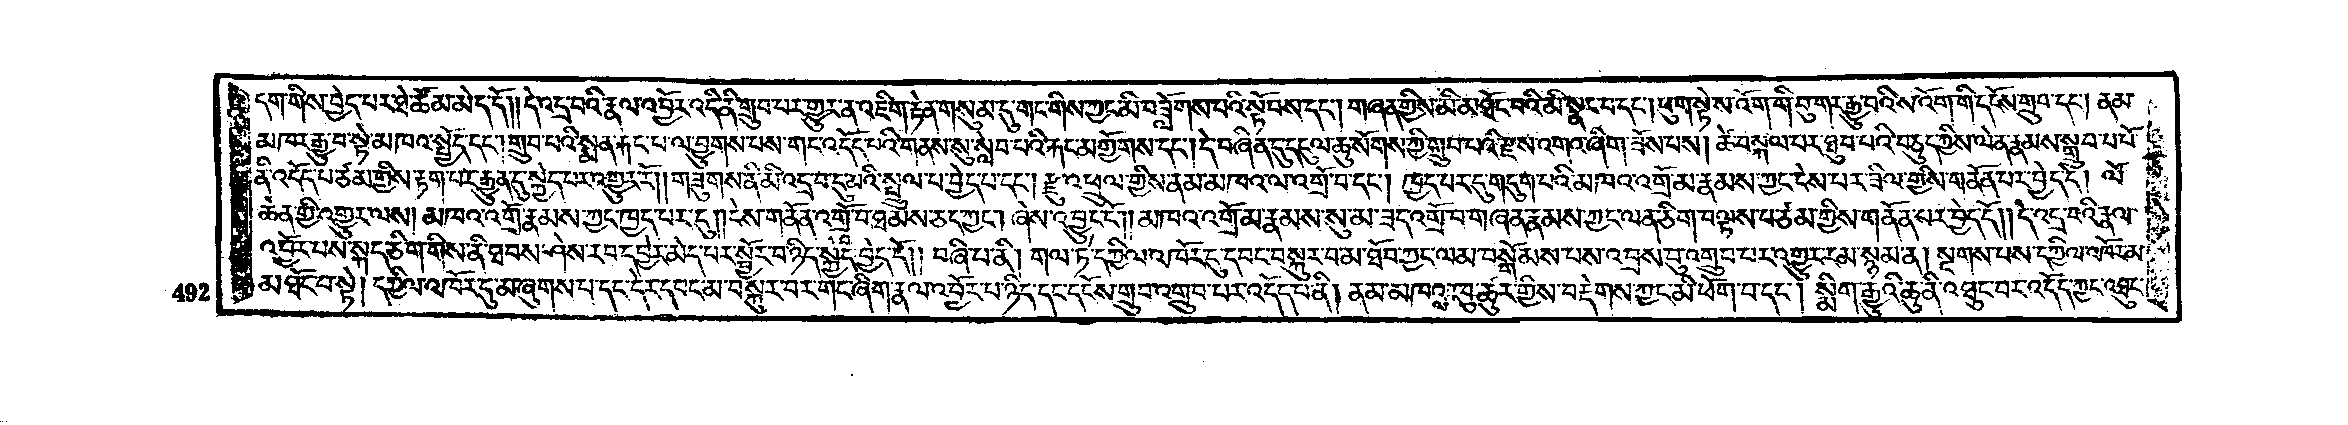དག་གིས་བྱེད་པར་ཐེ་ཚོམ་མེད་དོ། །དེ་འདྲ་བའི་རྣལ་འབྱོར་འདི་ནི་གྲུབ་པར་གྱུར་ན་འཇིག་རྟེན་གསུམ་དུ་གང་གིས་ཀྱང་མི་བཟློགས་པའི་སྟོབས་དང་། གཞན་གྱིས་མི་མཐོང་བའི་མི་སྣང་བ་དང་། ཕུག་སྟེ་ས་འོག་གི་བུ་གར་རྒྱུ་བའི་ས་འོག་གི་དངོས་གྲུབ་དང་། ནམ་
མཁར་རྒྱུ་བ་སྟེ་མཁའ་སྤྱོད་དང་། གྲུབ་པའི་སྨན་རྐང་པ་ལ་བྱུགས་པས་གང་འདོད་པའི་གནས་སུ་སླེབ་པའི་རྐང་མགྱོགས་དང་། དེ་བཞིན་དུ་དངུལ་ཆུ་སོགས་ཀྱི་གྲུབ་པའི་རྫས་འགའ་ཞིག་ཟོས་པས། ཚེ་བསྐལ་པར་ཐུབ་པའི་བཅུད་ཀྱིས་ལེན་རྣམས་སྒྲུབ་པ་པོ་
ནི་འདོད་པ་ཙམ་གྱིས་རྟག་པར་རྒྱུན་དུ་སྐྱེད་པར་འགྱུར་རོ། །གཟུགས་ནི་མི་འདྲ་བ་དུ་མའི་སྤྲུལ་པ་བྱེད་པ་དང་། རྫུ་འཕྲུལ་གྱིས་ནམ་མཁའ་ལ་འགྲོ་བ་དང་། ཁྱད་པར་དུ་གདུག་པའི་མཁའ་འགྲོ་མ་རྣམས་ཀྱང་ངེས་པར་ཟིལ་གྱིས་གནོན་པར་བྱེད་དེ། ལོ་
ཆེན་གྱི་འགྱུར་ལས། མཁའ་འགྲོ་རྣམས་ཀྱང་ཁྱད་པར་དུ། །ངེས་གནོན་འགྲོ་བ་ཐམས་ཅད་ཀྱང་། ཞེས་འབྱུང་ངོ། །མཁའ་འགྲོ་མ་རྣམས་སུ་མ་ཟད་འགྲོ་བ་གཞན་རྣམས་ཀྱང་ལན་ཅིག་བལྟས་པ་ཙམ་གྱིས་གནོན་པར་བྱེད་དོ། །དེ་འདྲ་བའི་རྣལ་
འབྱོར་པས་སྐད་ཅིག་གིས་ནི་ཐབས་ཤེས་རབ་དབྱེར་མེད་པར་སྦྱོར་བ་ཉིད་སྐྱེད་པར་བྱེད་དོ། །བཞི་པ་ནི། གལ་ཏེ་དཀྱིལ་འཁོར་དུ་དབང་བསྐུར་བ་མ་ཐོབ་ཀྱང་ལམ་བསྒོམས་པས་འབྲས་བུ་འགྲུབ་པར་འགྱུར་རམ་སྙམ་ན། སྔགས་པས་དཀྱིལ་འཁོར་མ་
མཐོང་བ་སྟེ། དཀྱིལ་འཁོར་དུ་མ་ཞུགས་པ་དང་དེར་དབང་མ་བསྐུར་བར་གང་ཞིག་རྣལ་འབྱོར་པ་ཉིད་དང་དངོས་གྲུབ་འགྲུབ་པར་འདོད་པ་ནི། ནམ་མཁའ་ལ་ཁུ་ཚུར་གྱིས་བརྡེགས་ཀྱང་མི་ཕོག་པ་དང་། སྨིག་རྒྱུའི་ཆུ་ནི་འཐུང་བར་འདོད་ཀྱང་འཐུང་